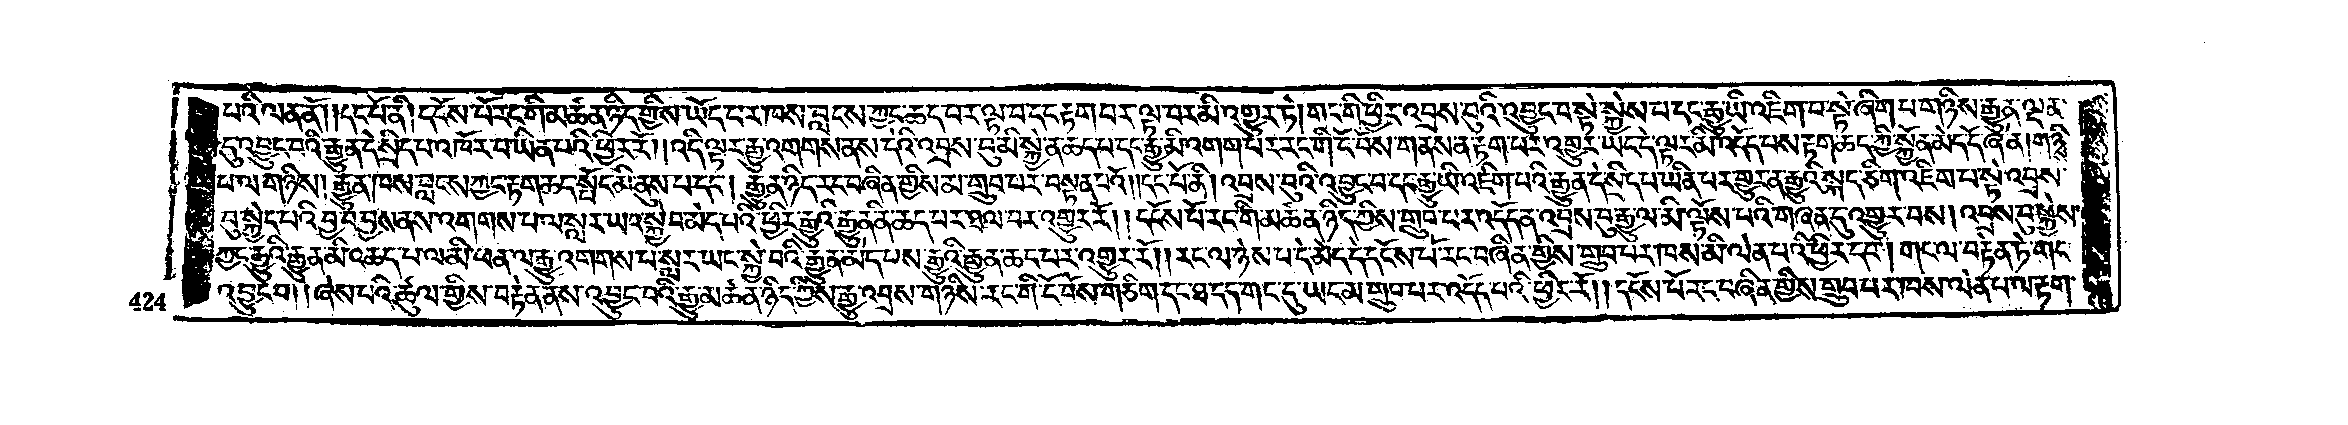པའི་ལན་ནོ། །དང་པོ་ནི། དངོས་པོ་རང་གི་མཚན་ཉིད་གྱིས་ཡོད་པར་ཁས་བླངས་ཀྱང་ཆད་པར་ལྟ་བ་དང་རྟག་པར་ལྟ་བར་མི་འགྱུར་ཏེ། གང་གི་ཕྱིར་འབྲས་བུའི་འབྱུང་བ་སྟེ་སྐྱེས་པ་དང་རྒྱུ་ཡི་འཇིག་པ་སྟེ་ཞིག་པ་གཉིས་རྒྱུན་ལྡན་
དུ་འབྱུང་བའི་རྒྱུན་དེ་སྲིད་པ་འཁོར་བ་ཡིན་པའི་ཕྱིར་རོ། །འདི་ལྟར་རྒྱུ་འགགས་ནས་དེའི་འབྲས་བུ་མི་སྐྱེ་ན་ཆད་པ་དང་རྒྱུ་མི་འགག་པར་རང་གི་ངོ་བོས་གནས་ན་རྟག་པར་འགྱུར་ཡང་དེ་ལྟར་མི་འདོད་པས་རྟག་ཆད་ཀྱི་སྐྱོན་མེད་དོ་ཞེ་ན། གཉིས་
པ་ལ་གཉིས། རྒྱུན་ཁས་བླངས་ཀྱང་རྟག་ཆད་སྤོང་མི་ནུས་པ་དང་། རྒྱུན་ཉིད་རང་བཞིན་གྱིས་མ་གྲུབ་པར་བསྟན་པའོ། །དང་པོ་ནི། འབྲས་བུའི་འབྱུང་བ་དང་རྒྱུ་ཡི་འཇིག་པའི་རྒྱུན་དེ་སྲིད་པ་ཡིན་པར་གྱུར་ན་རྒྱུའི་སྐད་ཅིག་འཇིག་པ་སྟེ་འབྲས་
བུ་སྐྱེད་པའི་བྱ་བ་བྱས་ནས་འགགས་པ་ལ་སླར་ཡང་སྐྱེ་བ་མེད་པའི་ཕྱིར་རྒྱུའི་རྒྱུན་ནི་ཆད་པར་ཐལ་བར་འགྱུར་རོ། །དངོས་པོ་རང་གི་མཚན་ཉིད་ཀྱིས་གྲུབ་པར་འདོད་ན་འབྲས་བུ་རྒྱུ་ལ་མི་ལྟོས་པའི་གཞན་དུ་འགྱུར་བས། འབྲས་བུ་སྐྱེས་
ཀྱང་རྒྱུའི་རྒྱུན་མི་འཆད་པ་ལ་མི་ཕན་ལ་རྒྱུ་འགགས་པ་སླར་ཡང་སྐྱེ་བའི་རྒྱུན་མེད་པས་རྒྱུའི་རྒྱུན་ཆད་པར་འགྱུར་རོ། །རང་ལ་ཉེས་པ་དེ་མེད་དེ་དངོས་པོ་རང་བཞིན་གྱིས་གྲུབ་པར་ཁས་མི་ལེན་པའི་ཕྱིར་དང་། གང་ལ་བརྟེན་ཏེ་གང་
འབྱུང་བ། །ཞེས་པའི་ཚུལ་གྱིས་བརྟེན་ནས་འབྱུང་བའི་རྒྱུ་མཚན་ཉིད་ཀྱིས་རྒྱུ་འབྲས་གཉིས་རང་གི་ངོ་བོས་གཅིག་དང་ཐ་དད་གང་དུ་ཡང་མ་གྲུབ་པར་འདོད་པའི་ཕྱིར་རོ། །དངོས་པོ་རང་བཞིན་གྱིས་གྲུབ་པར་ཁས་ལེན་པ་ལ་རྟག་